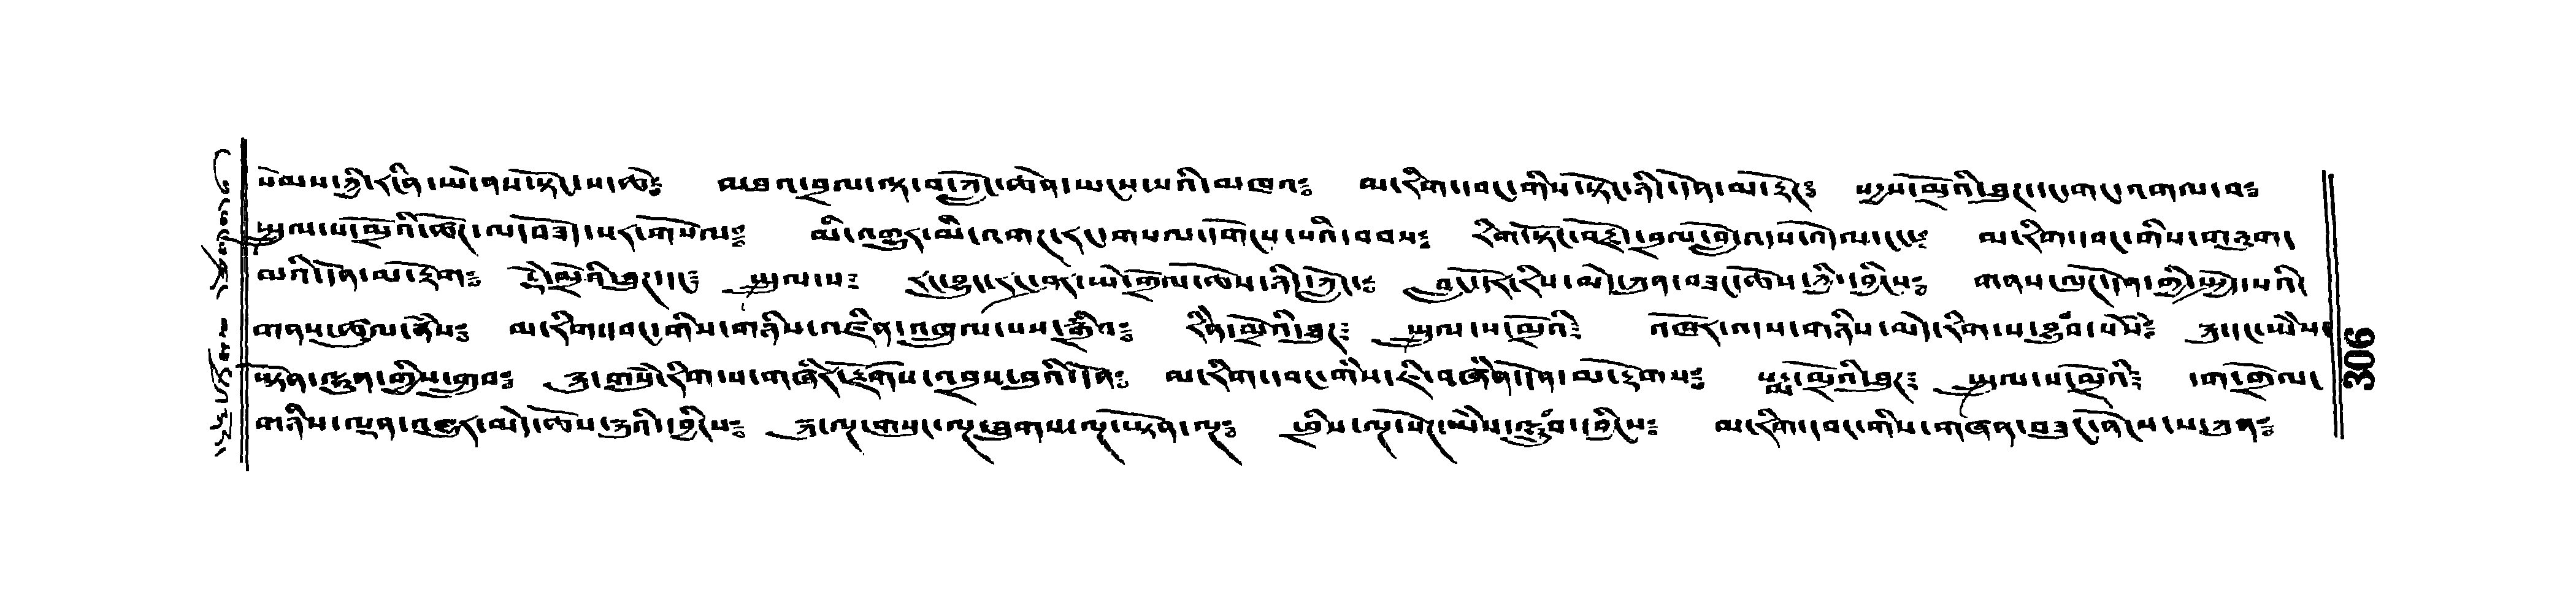སེམས་ཀྱི་རང་བཞིན་ཡེ་ནས་སྟོང་པ་ཆེ༔ མཐའ་བྲལ་ལྟ་བ་ཀློང་ཆེན་ཡངས་པའི་མཁའ༔ མ་རིག་དབང་གིས་སྟོང་ཉིད་དོན་མ་རྟོགས༔ སངས་རྒྱས་མཁའ་འགྲོའི་ཐུགས་དང་གང་འགལ་བ༔ 
སྤྲུལ་པ་མཁའ་འགྲོའི་ཚོགས་ལ་བཟོད་པར་གསོལ༔ མི་འགྱུར་མི་འགགས་རང་གསལ་དགོངས་པའི་བབས༔ རིག་སྟོང་བརྗོད་བྲལ་བློ་འདས་འོད་གསལ་ངང༔ མ་རིག་དབང་གིས་གཉུག་
མའི་དོན་མ་རྟོགས༔ རྡོ་རྗེ་མཁའ་འགྲོའི་ཐུགས་དང༴ སྤྲུལ་པ༴ རང་བྱུང་རང་ཤར་ཡེ་གྲོལ་ཆོས་ཉིད་ཀློང༔ བླང་དོར་རིས་མེད་ཀུན་བཟང་ཆོས་ཀྱི་དབྱིངས༔གནས་ལུགས་དོན་གྱི་སྤྱོད་པའི་
གནས་ཚུལ་རྣམས༔ མ་རིག་དབང་གིས་གཉིས་འཛིན་འཁྲུལ་པས་བསྒྲིབས༔ རིན་ཆེན་མཁའ་འགྲོའི་ཐུགས༴ སྤྲུལ་པ་མཁའ་འགྲོའི༴ འཁོར་འདས་གཉིས་མེད་རིག་པ་བྱང་ཆུབ་སེམས༔ སྐུ་དང་ཡེ་ཤེས་
ཡོན་ཏན་ལྷུན་གྱིས་གྲུབ༔ སྐུ་གསུམ་རིག་པ་གཞིར་རྫོགས་འབྲས་བུའི་དོན༔ མ་རིག་དབང་གིས་ཇི་བཞིན་དོན་མ་རྟོགས༔ པདྨ་མཁའ་འགྲོའི་ཐུགས༴ སྤྲུལ་པ་མཁའ་འགྲོའི༴ དག་གྲོལ་
གཉིས་ལྡན་འགྱུར་མེད་ཆོས་སྐུའི་དབྱིངས༔ སྐུ་ལྔ་གསུང་ལྔ་ཐུགས་ལྔ་ཡོན་ཏན་ལྔ༔ ཕྲིན་ལས་ལྔ་སོགས་ཡེ་ཤེས་ལྷུན་གྲུབ་དབྱིངས༔ མ་རིག་དབང་གིས་གཞན་བཟུང་ནོངས་པ་ཀུན༔